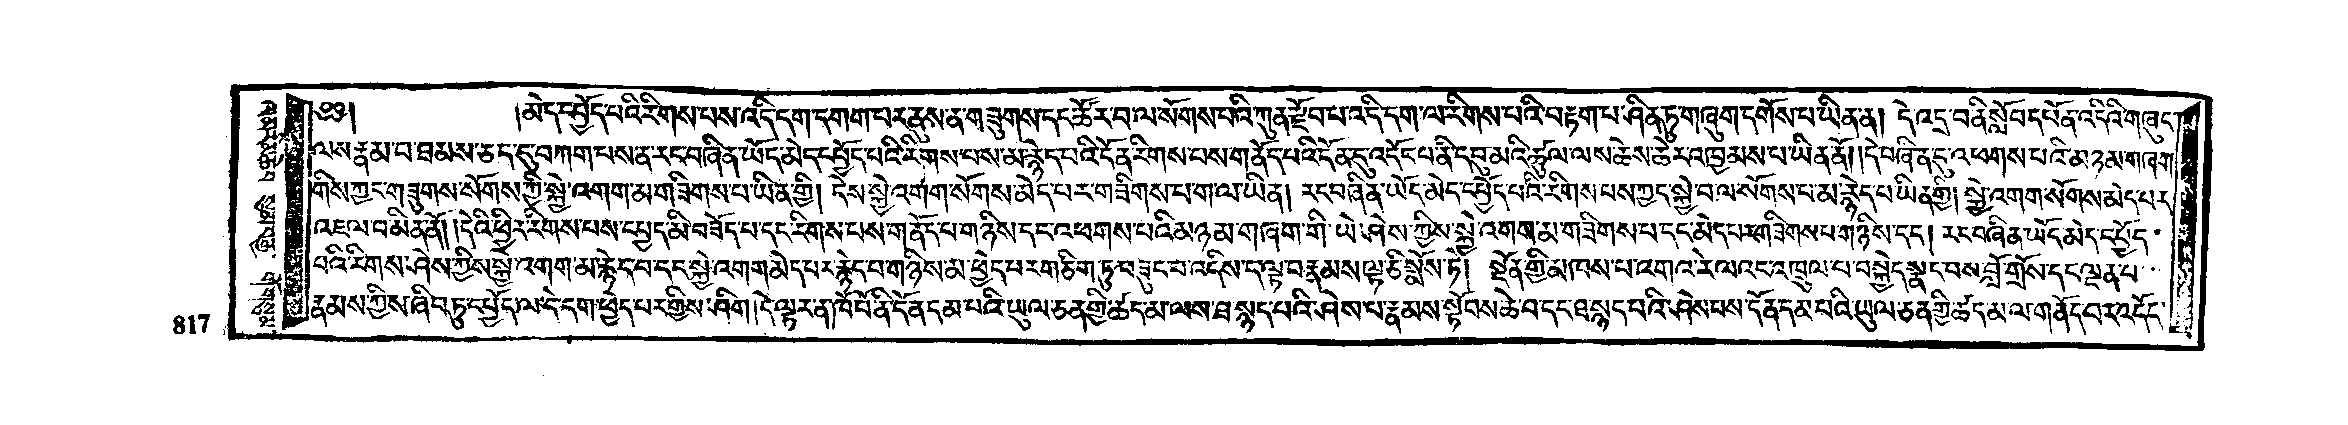༄༅། །མེད་དཔྱོད་པའི་རིགས་པས་འདི་དག་དགག་པར་ནུས་ན་གཟུགས་དང་ཚོར་བ་ལ་སོགས་པའི་ཀུན་རྫོབ་པ་འདི་དག་ལ་རིགས་པའི་བརྟག་པ་ཤིན་ཏུ་གཞུག་དགོས་པ་ཡིན་ན། དེ་འདྲ་བ་ནི་སློབ་དཔོན་འདིའི་གཞུང་
ལས་རྣམ་པ་ཐམས་ཅད་དུ་བཀག་པས་ན་རང་བཞིན་ཡོད་མེད་དཔྱོད་པའི་རིགས་པས་མ་རྙེད་པའི་དོན་རིགས་པས་གནོད་པའི་དོན་དུ་འདོད་པ་ནི་དབུ་མའི་ཚུལ་ལས་ཆེས་ཆེར་འཁྱམས་པ་ཡིན་ནོ། །དེ་བཞིན་དུ་འཕགས་པའི་མཉམ་གཞག་
གིས་ཀྱང་གཟུགས་སོགས་ཀྱི་སྐྱེ་འགག་མ་གཟིགས་པ་ཡིན་གྱི། དེས་སྐྱེ་འགག་སོགས་མེད་པར་གཟིགས་པ་ག་ལ་ཡིན། རང་བཞིན་ཡོད་མེད་དཔྱོད་པའི་རིགས་པས་ཀྱང་སྐྱེ་བ་ལ་སོགས་པ་མ་རྙེད་པ་ཡིན་གྱི། སྐྱེ་འགག་སོགས་མེད་པར་
འཇལ་བ་མིན་ནོ། །དེའི་ཕྱིར་རིགས་པས་དཔྱད་མི་བཟོད་པ་དང་རིགས་པས་གནོད་པ་གཉིས་དང་འཕགས་པའི་མཉམ་གཞག་གི་ཡེ་ཤེས་ཀྱིས་སྐྱེ་འགག་མ་གཟིགས་པ་དང་མེད་པར་གཟིགས་པ་དང་མེད་པར་གཟིགས་པ་གཉིས་དང་། རང་བཞིན་ཡོད་མེད་དཔྱོད་
པའི་རིགས་ཤེས་ཀྱིས་སྐྱེ་འགག་མ་རྙེད་པ་དང་སྐྱེ་འགག་མེད་པར་རྙེད་པ་གཉིས་མ་ཕྱེད་པར་གཅིག་ཏུ་བཟུང་བ་འདིས་ད་ལྟ་བ་རྣམས་ལྟ་ཅི་སྨོས་ཏེ། སྔོན་གྱི་མཁས་པ་འགའ་རེ་ལའང་འཁྲུལ་པ་བསྐྱེད་སྣང་བས་བློ་གྲོས་དང་ལྡན་པ་
རྣམས་ཀྱིས་ཞིབ་ཏུ་དཔྱོད་ལ་དེ་དག་ཕྱེད་པར་གྱིས་ཤིག། དེ་ལྟར་ན་ཁོ་བོ་ནི་དོན་དམ་པའི་ཡུལ་ཅན་གྱི་ཚད་མ་ལས་ཐ་སྙད་པའི་ཤེས་པ་རྣམས་སྟོབས་ཆེ་བ་དང་ཐ་སྙད་པའི་ཤེས་པས་དོན་དམ་པའི་ཡུལ་ཅན་གྱི་ཚད་མ་ལ་གནོད་པར་འདོད་